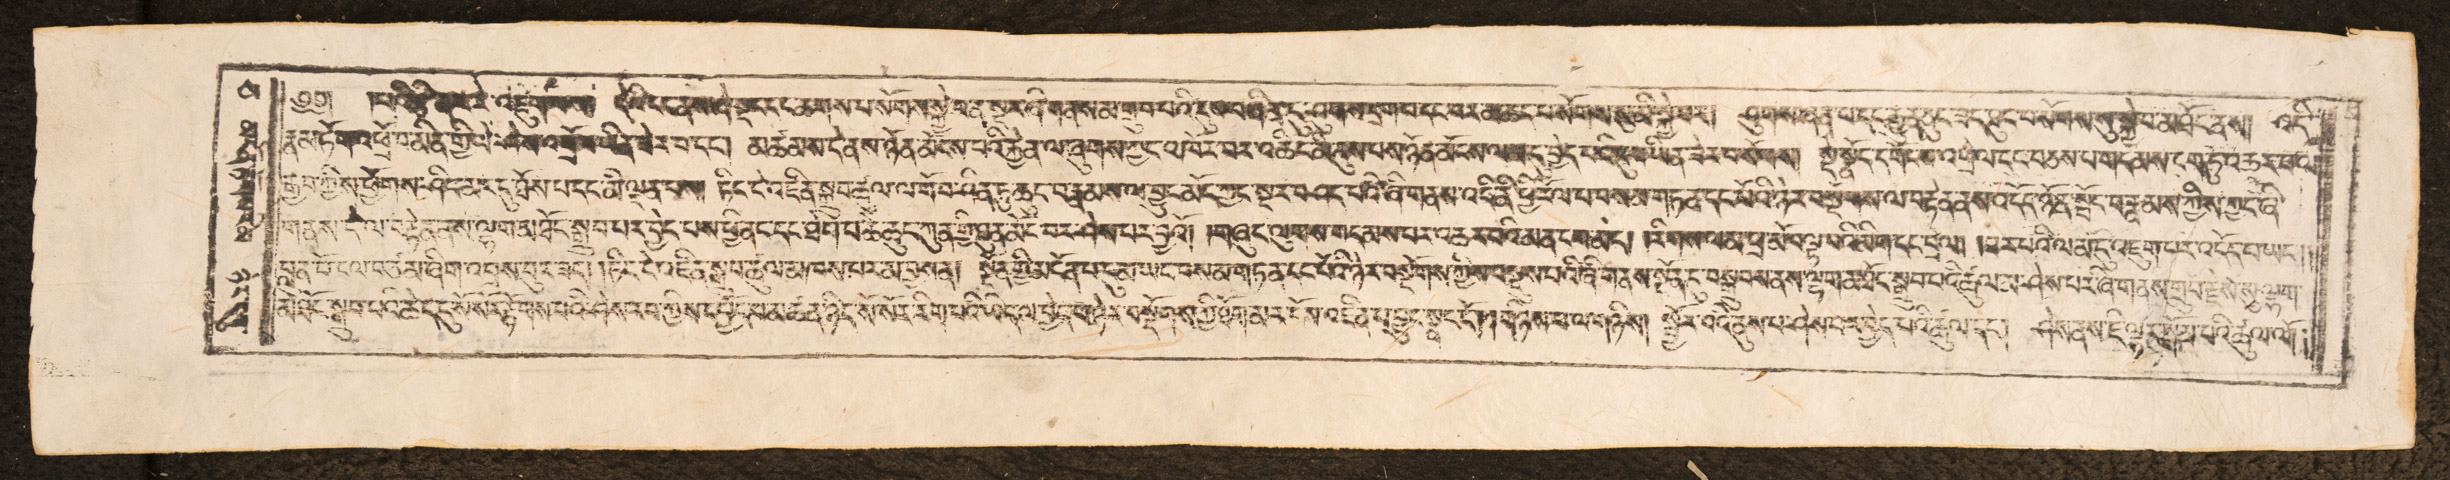༄༅། །པའི་རྩི་ནར་རེ་འཇུག་པས། དེའི་དང་ནས་ཞེ་སྡང་དང་ཆགས་པ་སོགས་སྐྱེ་བ་ན་སྔར་ཞི་གནས་མ་གྲུབ་པའི་དུས་བཞིན་དུ་ཤུགས་དྲག་པ་དང་བར་མ་ཆད་པ་སོགས་སུ་མི་སྐྱེ་པར། ཤུགས་ཞན་པ་དང་རྒྱུན་ཅུང་ཟད་ཐུང་བ་སོགས་སུ་སྐྱེ་བ་མཐོང་ནས། འདི་
རྣམ་ཏོག་འཕྲོ་བ་མིན་གྱི་ཡེ་ཤེས་འཕྲོ་བ་ཡིན་ཟེར་བ་དང་། མཚམས་དེ་ནས་ཉོན་མོངས་པའི་རྐྱེན་ལ་ཞུགས་ཀྱང་འཁོར་བར་འཆིང་མི་ནུས་པས་ཉོན་མོངས་ལམ་དུ་བྱེད་པའི་དུས་ཡིན་ཟེར་བ་སོགས། སྡེ་སྣོད་དགོངས་འགྲེལ་དང་བཅས་པ་གདམས་ངག་ཏུ་འཆར་བ་ལ་
རྒྱབ་ཀྱིས་ཕྱོགས་ཤིང་མང་དུ་ཐོས་པ་དང་མི་ལྡན་པས། ཏིང་ངེ་འཛིན་སྒྲུབ་ཚུལ་ལ་གོ་བ་ཤིན་ཏུ་ཆུང་བ་རྣམས་ལ་བྱུང་མོད་ཀྱང་སྔར་བཤད་པའི་ཞི་གནས་འདི་ནི་ཕྱི་རོལ་པ་བསམ་གཏན་དང་པོའི་ཉེར་བསྔོགས་ལ་བརྟེན་ནས་འདོད་ཉོན་སྤོང་བ་རྣམས་ཀྱིས་ཀྱང་ཞི་
གནས་དེ་ལ་བརྟན་ནས་ལྷག་མཐོང་སྒྲུབ་པར་བྱེད་པས་ཕྱི་ནང་དང་ཐེག་པ་ཆེ་ཆུང་ཀུན་གྱི་ཐུན་མོང་བར་ཤེས་པར་བྱའོ། །གཞུང་ལུགས་གདམས་པར་འཆར་བའི་མན་ངག་མེད། །རིགས་ལམ་ཕྲ་མོ་བལྟ་བའི་མིག་དང་བྲལ། །ཐར་པའི་ལམ་དུ་འཇུག་པར་འདོད་པ་ཡང།།
བླུན་པོ་ངལ་བ་ཙམ་ཞིག་འབྲས་བུར་ཟད། །ཏིང་ངེ་འཛིན་སྒྲུབ་ཚུལ་མཁས་པར་མ་བྱས་ན། སྔོན་གྱི་མངོན་པ་དུ་མ་ཡང་བསམ་གཏན་དང་པོའི་ཉེར་བསྔོགས་ཀྱིས་བསྡུས་པའི་ཞི་གནས་སྔོན་དུ་བསྒྲུབས་ནས་ལྷག་མཐོང་སྒྲུབ་པའི་ཚུལ་མ་ཤེས་པར་ཞི་གནས་གྲུབ་རྗེས་སུ་ལྷག་
མཐོང་སྒྲུབ་པའི་ཆེད་དུ་སོ་སོར་རྟོགས་པའི་ཤེས་རབ་ཀྱིས་དཔྱོད་པ་མཚན་ཉིད་སོ་སོར་རིག་པའི་ཡིད་ལ་བྱེད་པ་ཉེར་བསྔོགས་ཀྱི་ཐོག་མར་ངོས་འཛིན་པ་བྱུང་སྣང་ངོ། །གཉིས་པ་ལ་གཉིས། སྦྱོར་བའི་ནུས་པ་ཤེས་པར་བྱེད་པའི་ཚུལ་དང་། ཤེས་ནས་ཇི་ལྟར་སྒོམ་པའི་ཚུལ་ལོ། །